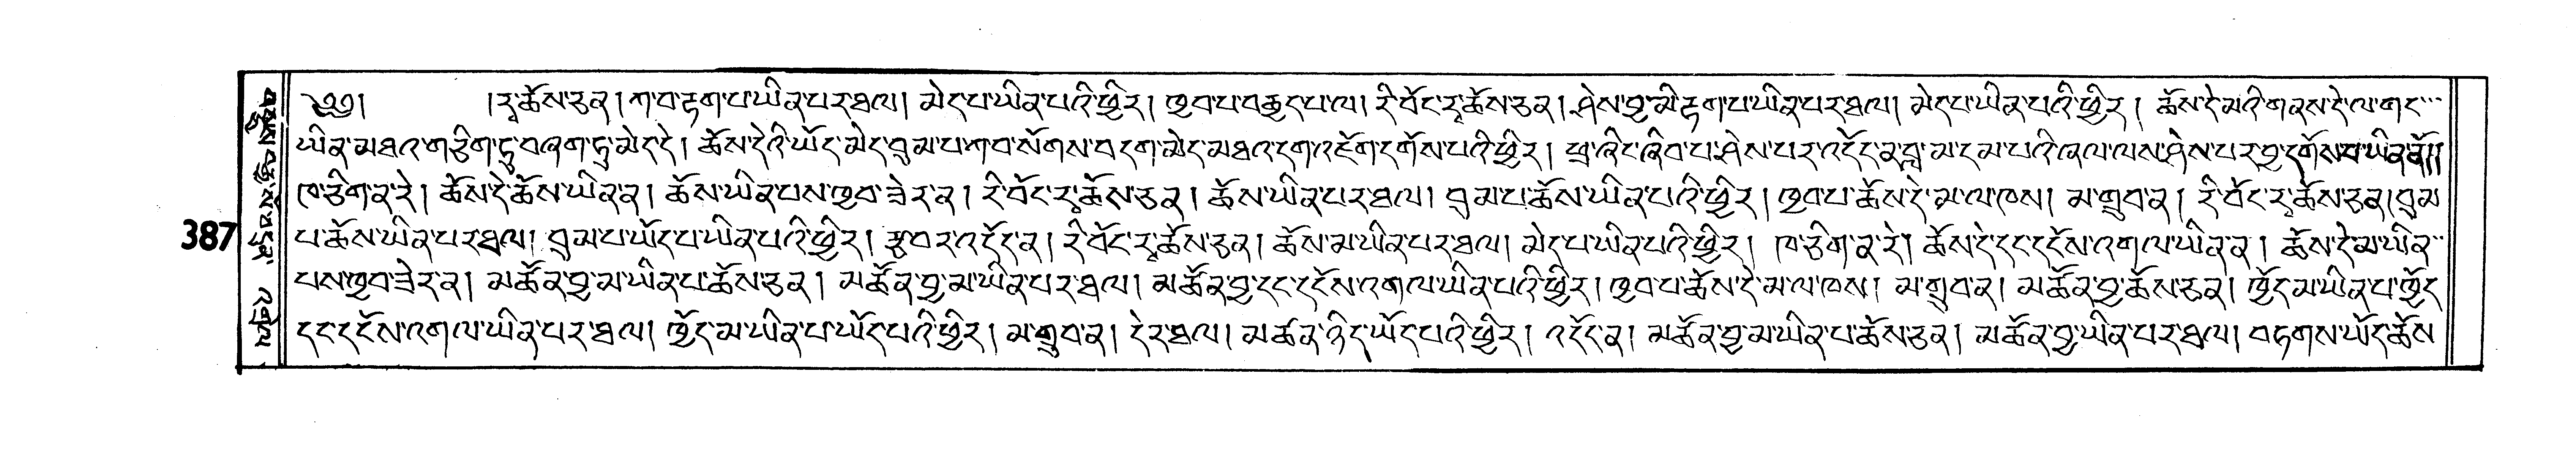༄༅། །རྭ་ཆོས་ཅན། ཀ་བ་རྟག་པ་ཡིན་པར་ཐལ། མེད་པ་ཡིན་པའི་ཕྱིར། ཁྱབ་པ་བརྒྱད་པ་ལ། རི་བོང་རྭ་ཆོས་ཅན། ཤེས་བྱ་མི་རྟག་པ་ཡིན་པར་ཐལ། མེད་པ་ཡིན་པའི་ཕྱིར། ཆོས་དེ་མའི་གནས་དེ་ལ་གང་
ཡིན་མཐའ་གཅིག་ཏུ་བཞག་ཏུ་མེད་དེ། ཆོས་དེའི་ཡོད་མེད་བུམ་པ་ཀ་བ་སོགས་བདག་མེད་མཐའ་དག་འཇོག་དགོས་པའི་ཕྱིར། ཕྲ་ཞིང་ཞིབ་པ་ཤེས་པར་འདོད་ན་བླ་མ་དམ་པའི་ཞླ་ལས་ཤེས་པར་བྱ་དགོས་པ་ཡིན་ནོ། །
ཁ་ཅིག་ན་རེ། ཆོས་དེ་ཆོས་ཡིན་ན། ཆོས་ཡིན་པས་ཁྱབ་ཟེར་ན། རི་བོང་རྭ་ཆོས་ཅན། ཆོས་ཡིན་པར་ཐལ། བུམ་པ་ཆོས་ཡིན་པའི་ཕྱིར། ཁྱབ་པ་ཆོས་དེ་མ་ལ་ཁས། མ་གྲུབ་ན། རི་བོང་རྭ་ཆོས་ཅན། བུམ་
པ་ཆོས་ཡིན་པར་ཐལ། བུམ་པ་ཡོད་པ་ཡིན་པའི་ཕྱིར། རྩ་བར་འདོད་ན། རི་བོང་རྭ་ཆོས་ཅན། ཆོས་མ་ཡིན་པར་ཐལ། མེད་པ་ཡིན་པའི་ཕྱིར། ཁ་ཅིག་ན་རེ། ཆོས་དེ་དང་དངོས་འགལ་ལཡིན་ན། ཆོས་དེ་མ་ཡིན་
པས་ཁྱབ་ཟེར་ན། མཚོན་བྱ་མ་ཡིན་པ་ཆོས་ཅན། མཚོན་བྱ་མ་ཡིན་པར་ཐལ། མཚོན་བྱ་དང་དངོས་འགལ་ཡིན་པའི་ཕྱིར། ཁྱབ་པ་ཆོས་དེ་མ་ལ་ཁས། མ་གྲུབ་ན། མཚོན་བྱ་ཆོས་ཅན། ཁྱོད་མ་ཡིན་པ་ཁྱོད་
དང་དངོས་འགལ་ཡིན་པར་ཐལ། ཁྱོད་མ་ཡིན་པ་ཡོད་པའི་ཕྱིར། མ་གྲུབ་ན། དེར་ཐལ། མཚན་ཉིད་ཡོད་པའི་ཕྱིར། འདོད་ན། མཚོན་བྱ་མ་ཡིན་པ་ཆོས་ཅན། མཚོན་བྱ་ཡིན་པར་ཐལ། བཏགས་ཡོད་ཆོས་